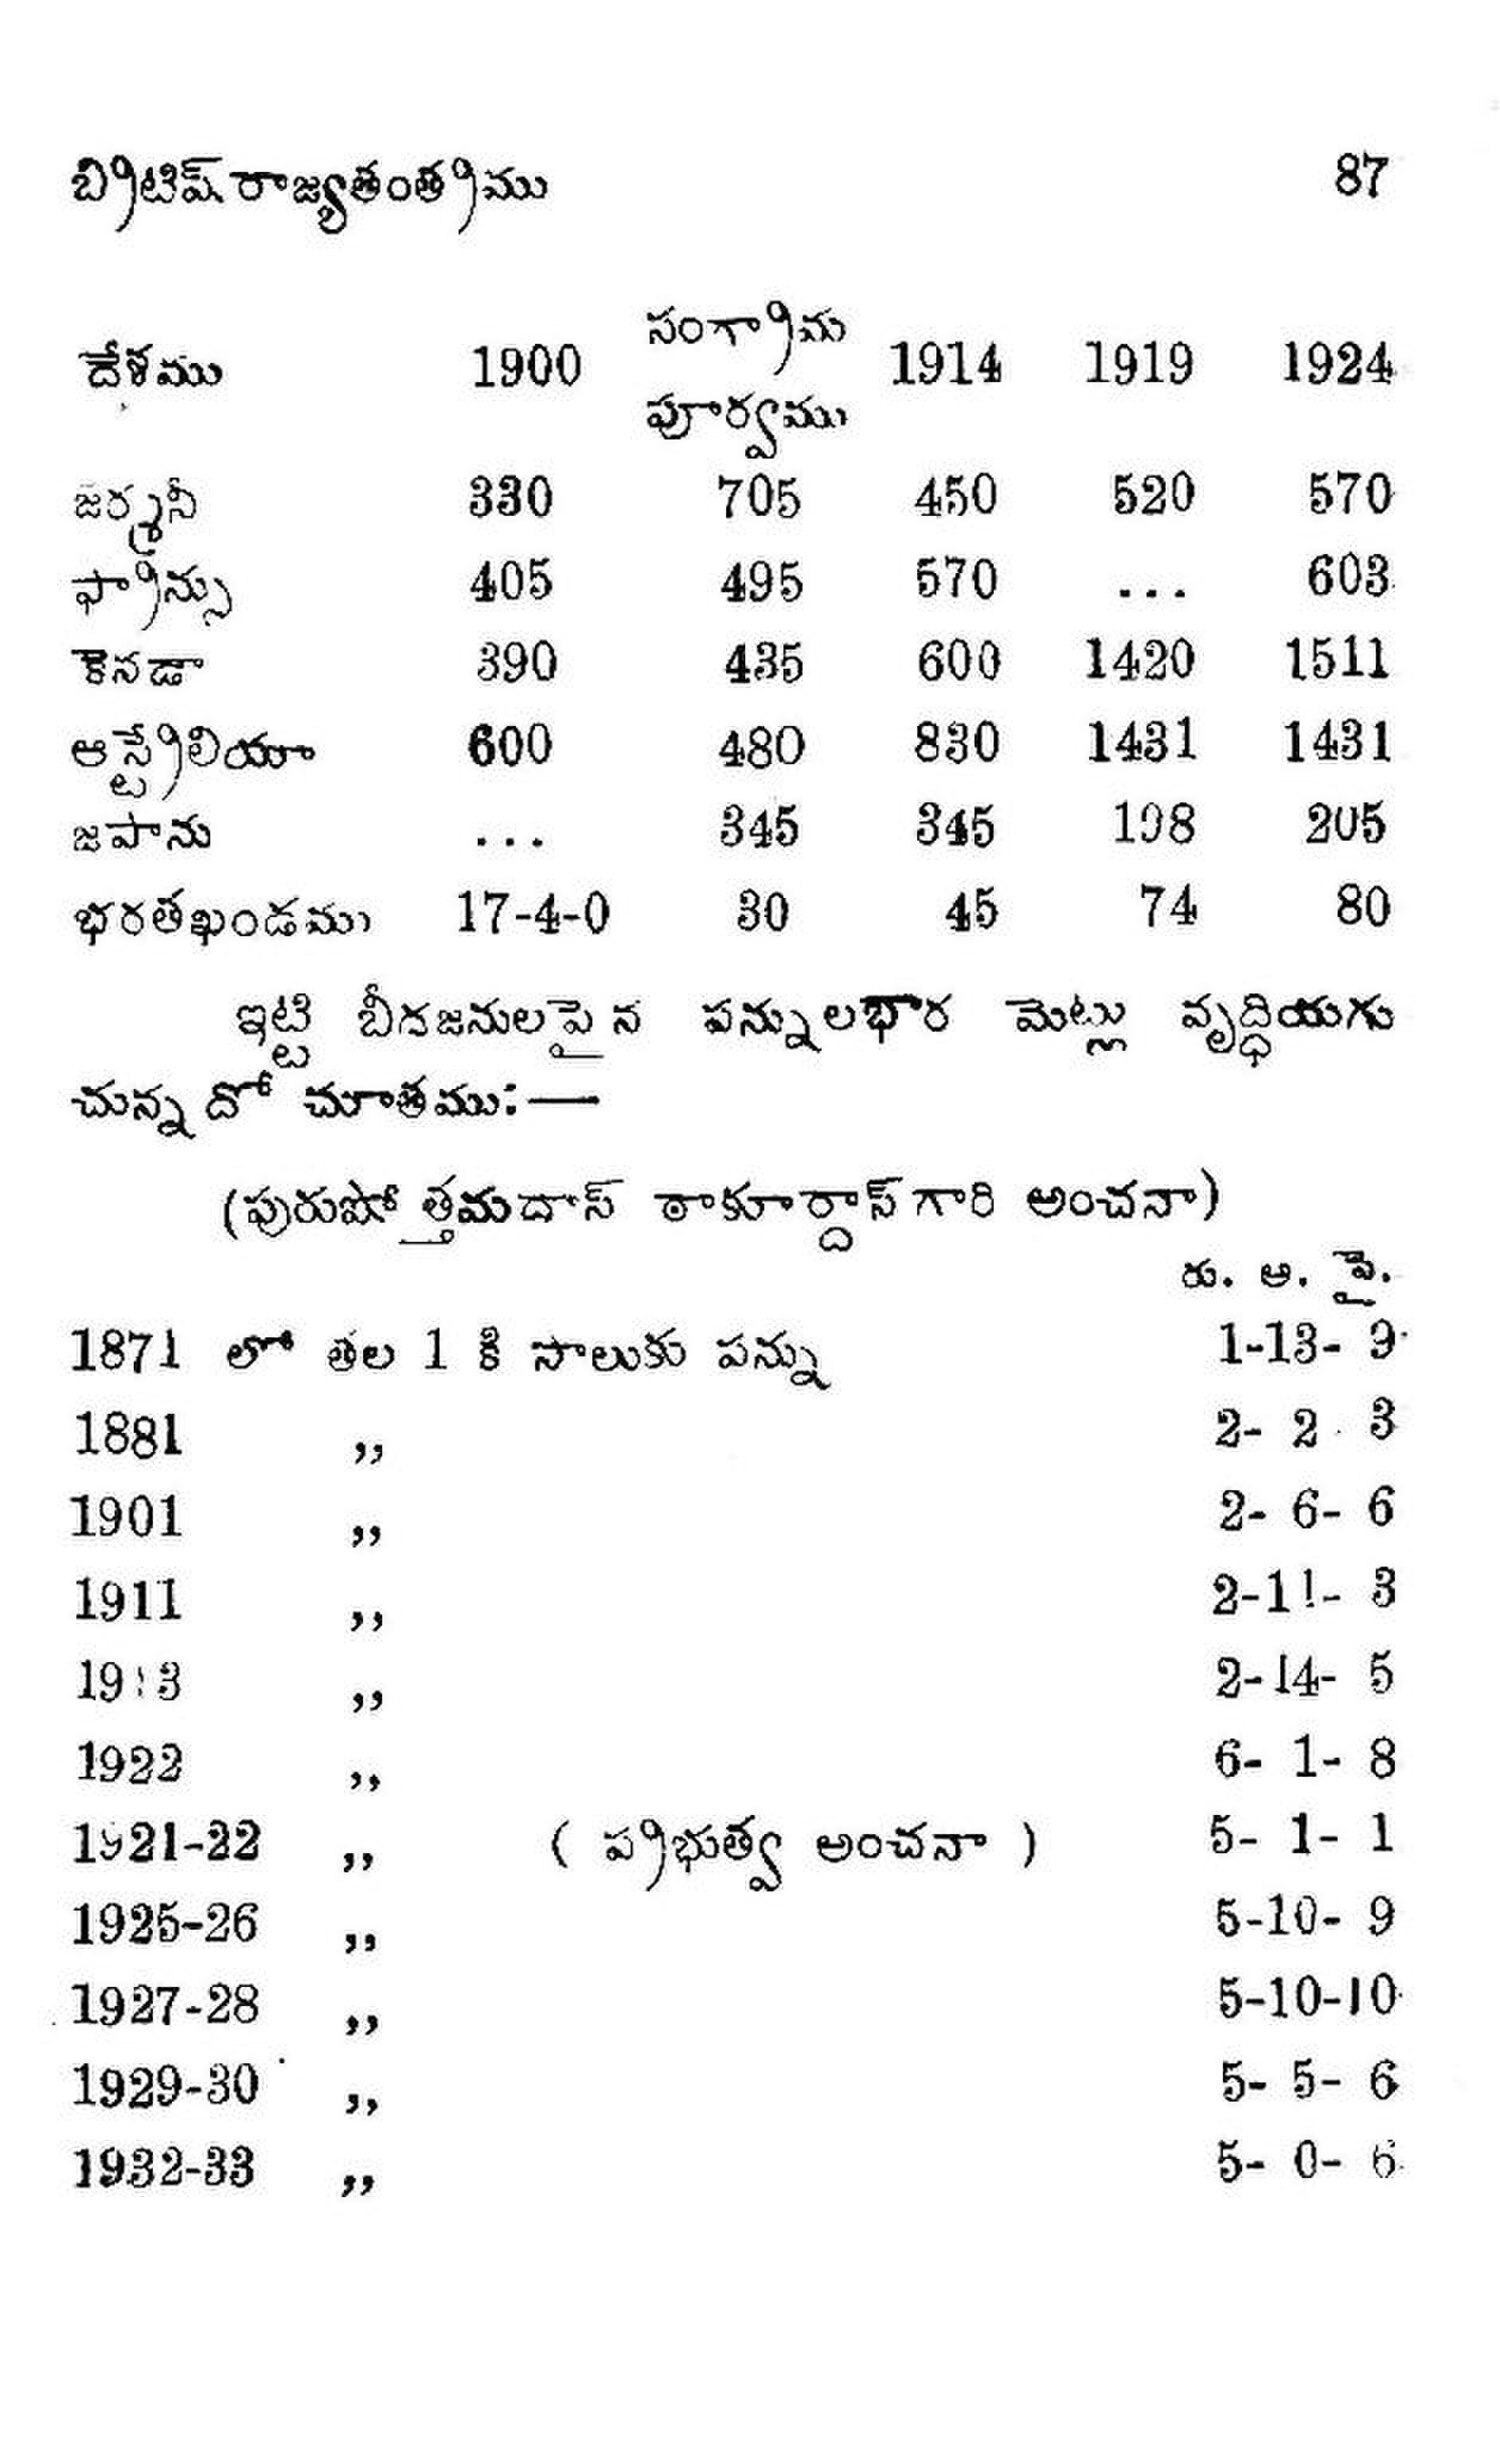దేశము 1900 సంగ్రామ పూర్వము 1914 1919 1924 జర్మనీ 330 705 450 520 570 ఫ్రాన్సు 405 495 570 - 603 కెనడా 390 435 600 1420 1511 ఆస్ట్రేలియా 600 480 830 1431 1431 జపాను - 345 345 198 205 భరతఖండము 17 - 4 - 0 30 45 74 80

ఇట్టి బీదజనులపైన పన్నులభార మెట్లు వృద్ధియగుచున్నదో చూతము :-

 రు - అ - పై 1871 లో తల 1 కి సాలుకు పన్ను 1 - 13 - 9 1881 లో " 2 - 2 - 3 1901 లో " 2 - 6 - 6 1911 లో " 2 - 11 - 3 1913 లో " 2 - 14 - 5 1922 లో " 6 - 1 - 8 1921 - 22 " (ప్రభుత్వ అంచనా) 5 - 1 - 1 1925 - 26 " 5 - 10 - 9 1927 -28 " 5 - 10 - 10 1929 30 " 5 - 5 - 6 1932 -33 " 5 - 0 - 6